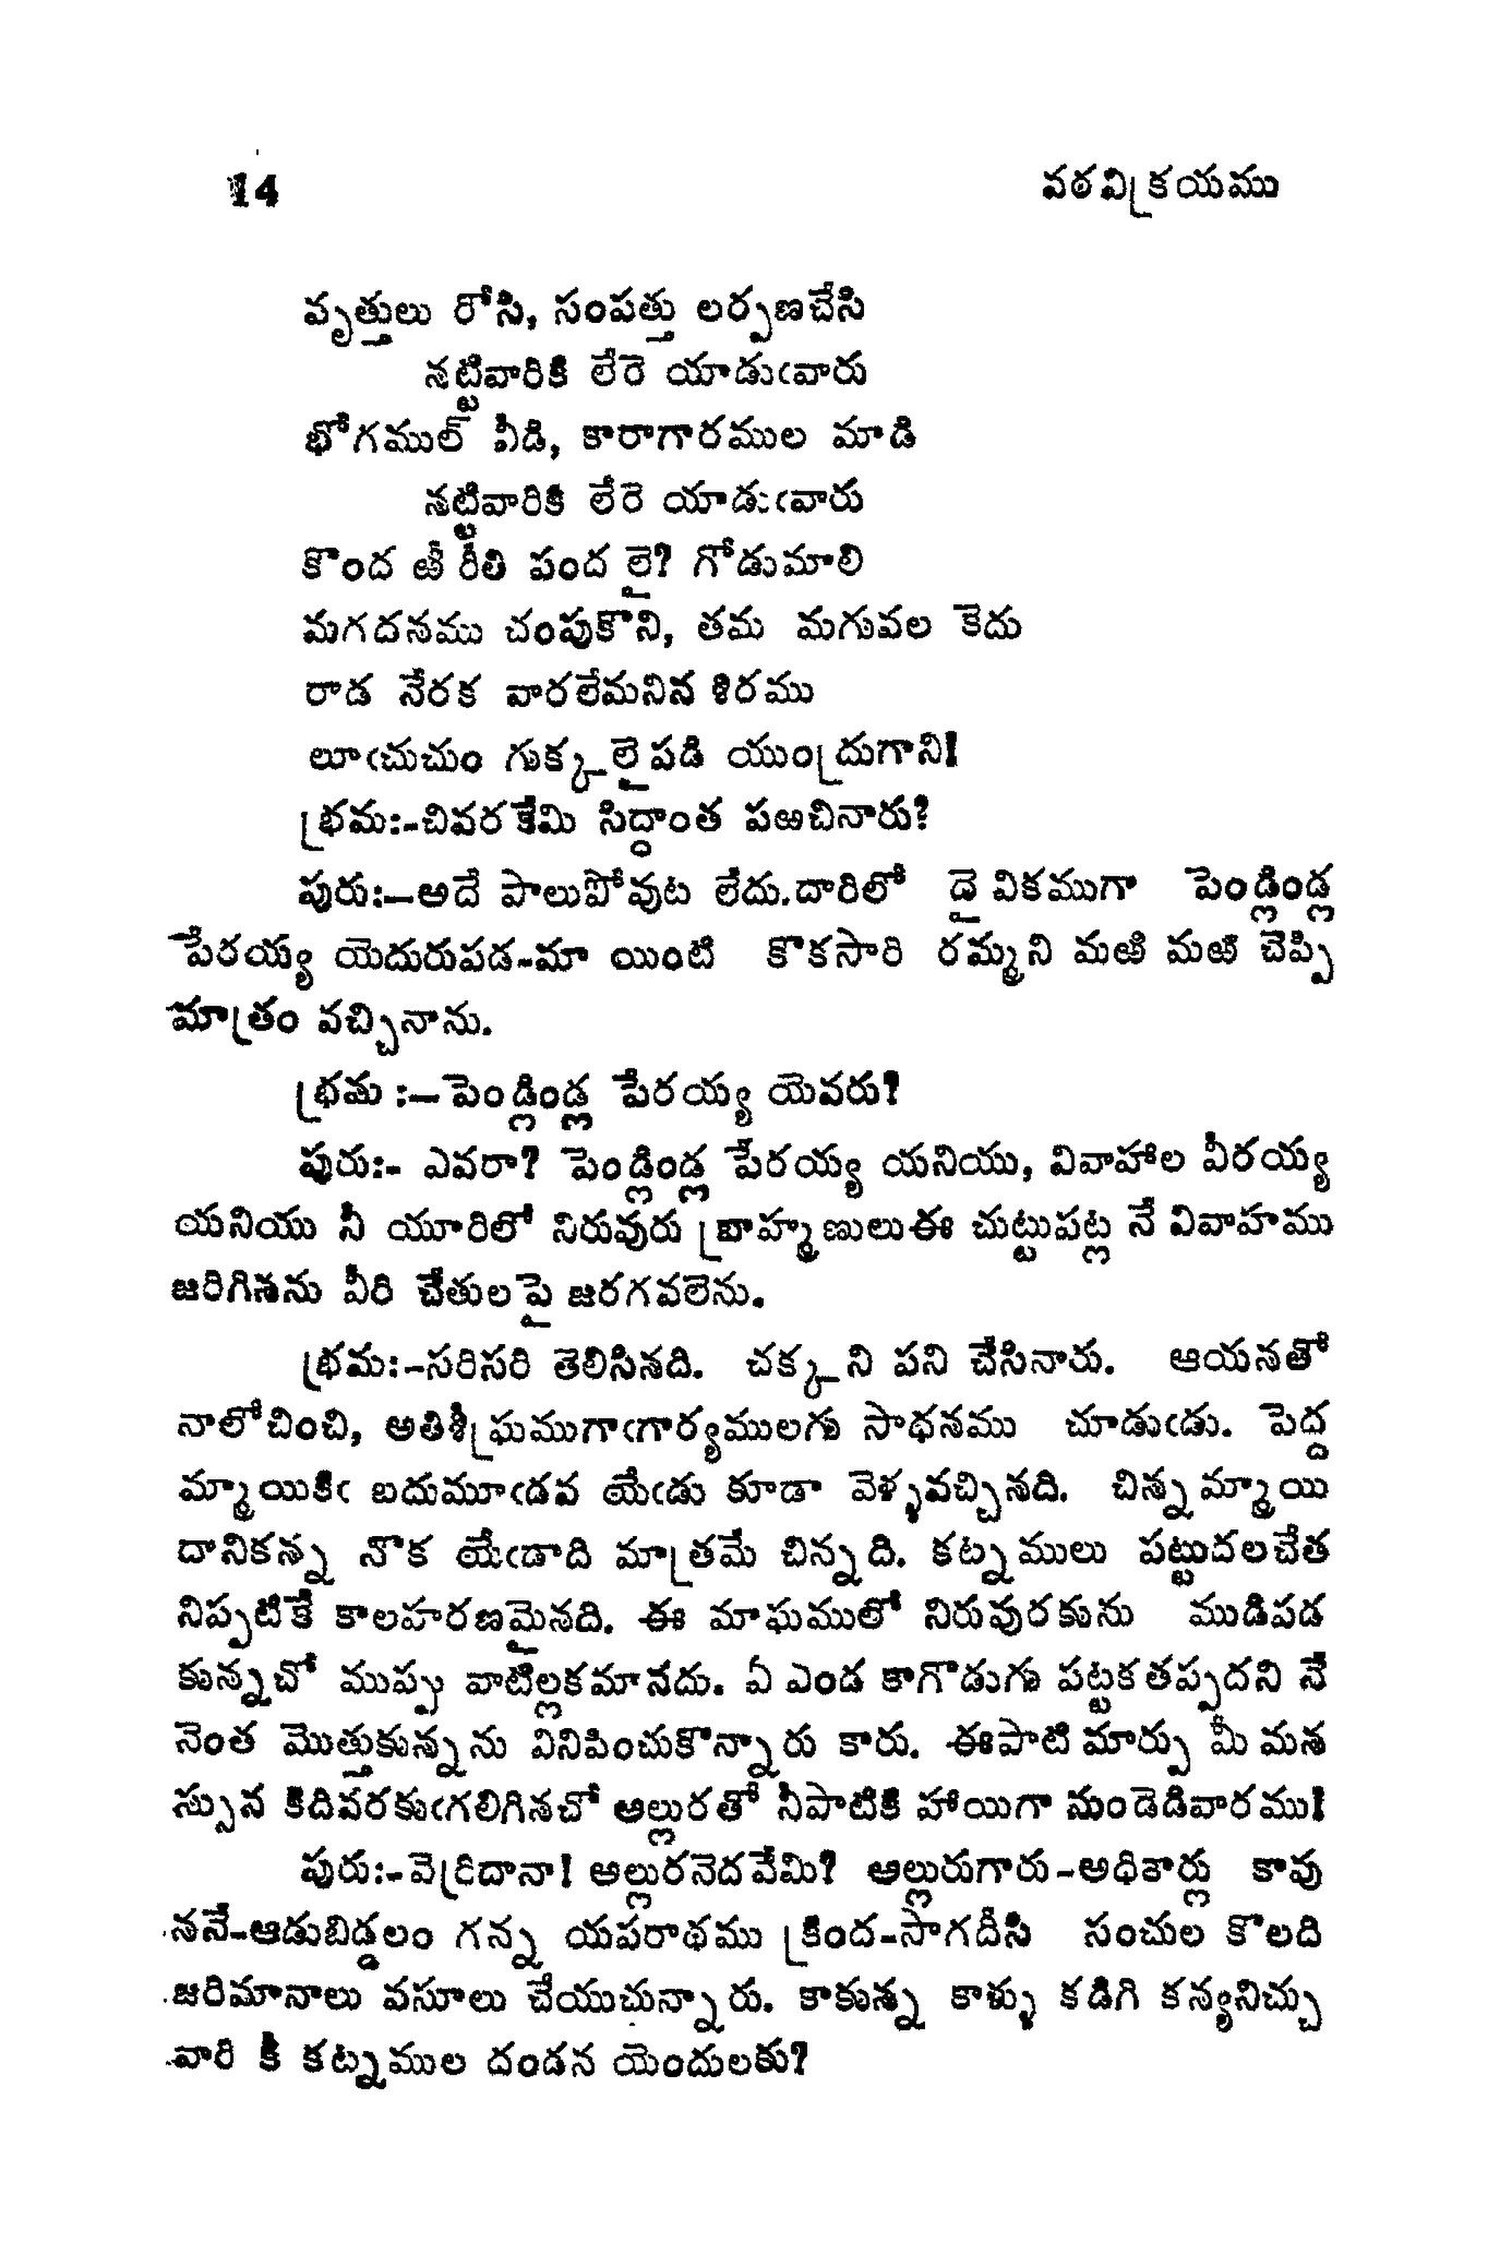వృత్తులు రోసి, సంపత్తు లర్పణచేసి
 నట్టివారికి లేరె యాడుఁవారు
భోగముల్‌ వీడి, కారాగారముల మాడి
 నట్టివారికి లేరె యాడుఁవారు

కొంద ఱీ రీతి పంద లై? గోడుమాలి
మగదనము చంపుకొని, తమ మగువల కెదు
రాడ నేరక వారలేమనిన శిరము
లూఁచుచుం గుక్కలైపడి యుంద్రుగాని!

భ్రమ:- చివరకేమి సిద్ధాంత పఱచినారు?

పురు:- అదే పాలుపోవుట లేదు. దారిలో దై వికముగా పెండ్లిండ్ల పేరయ్య యెదురుపడ-మా యింటి కొకసారి రమ్మని మఱి మఱి చెప్పిమాత్రం వచ్చినాను.

భ్రమ:- పెండ్లిండ్ల పేరయ్య యెవరు?

పురు:- ఎవరా? పెండ్లిండ్ల పేరయ్య యనియు, వివాహాల వీరయ్య యనియు నీ యూరిలో నిరువురు బ్రాహ్మణులు. ఈ చుట్టుపట్ల నే వివాహము జరిగినను వీరి చేతులపై జరుగవలెను.

భ్రమ:- సరిసరి తెలిసినది, చక్కని పని చేసినారు. ఆయనతో నాలోచించి, అతిశీఘ్రముగాఁగార్యములగు సాధనము చూడుఁడు. పెద్దమ్మాయికిఁ బదుమూఁడవ యేఁడు కూడ వెళ్లవచ్చినది. చిన్నమ్మాయి దానికన్న నొక యేఁడాది మాత్రమే చిన్నది. కట్నముల పట్టుదలచేత నిప్పటికే కాలహరణమైనది. ఈ మాఘములో నిరువురకును ముడిపడకున్నచో ముప్పు వాటిల్లకమానదు. ఏ యెండ కాగొడుగు పట్టకతప్పదని నే నెంత మొత్తుకున్నను వినిపించుకొన్నారు కారు. ఈపాటిమార్పు మీ మనస్సున కిదివరకుఁగలిగినచో అల్లురతో నీపాటికి హాయిగా నుండెడివారము!

పురు:- వెర్రిదానా! అల్లురనెదవేమి? అల్లురుకారు-అధికార్లు! కావుననే- ఆఁడుబిడ్డలం గన్న యపరాథము క్రింద-సాగదీసి సంచుల కొలది జరిమానాలు వసూలు చేయుచున్నారు. కాకున్న కాళ్లు కడిగి కన్యనిచ్చువారి కీ కట్నముల దండన యెందులకు?